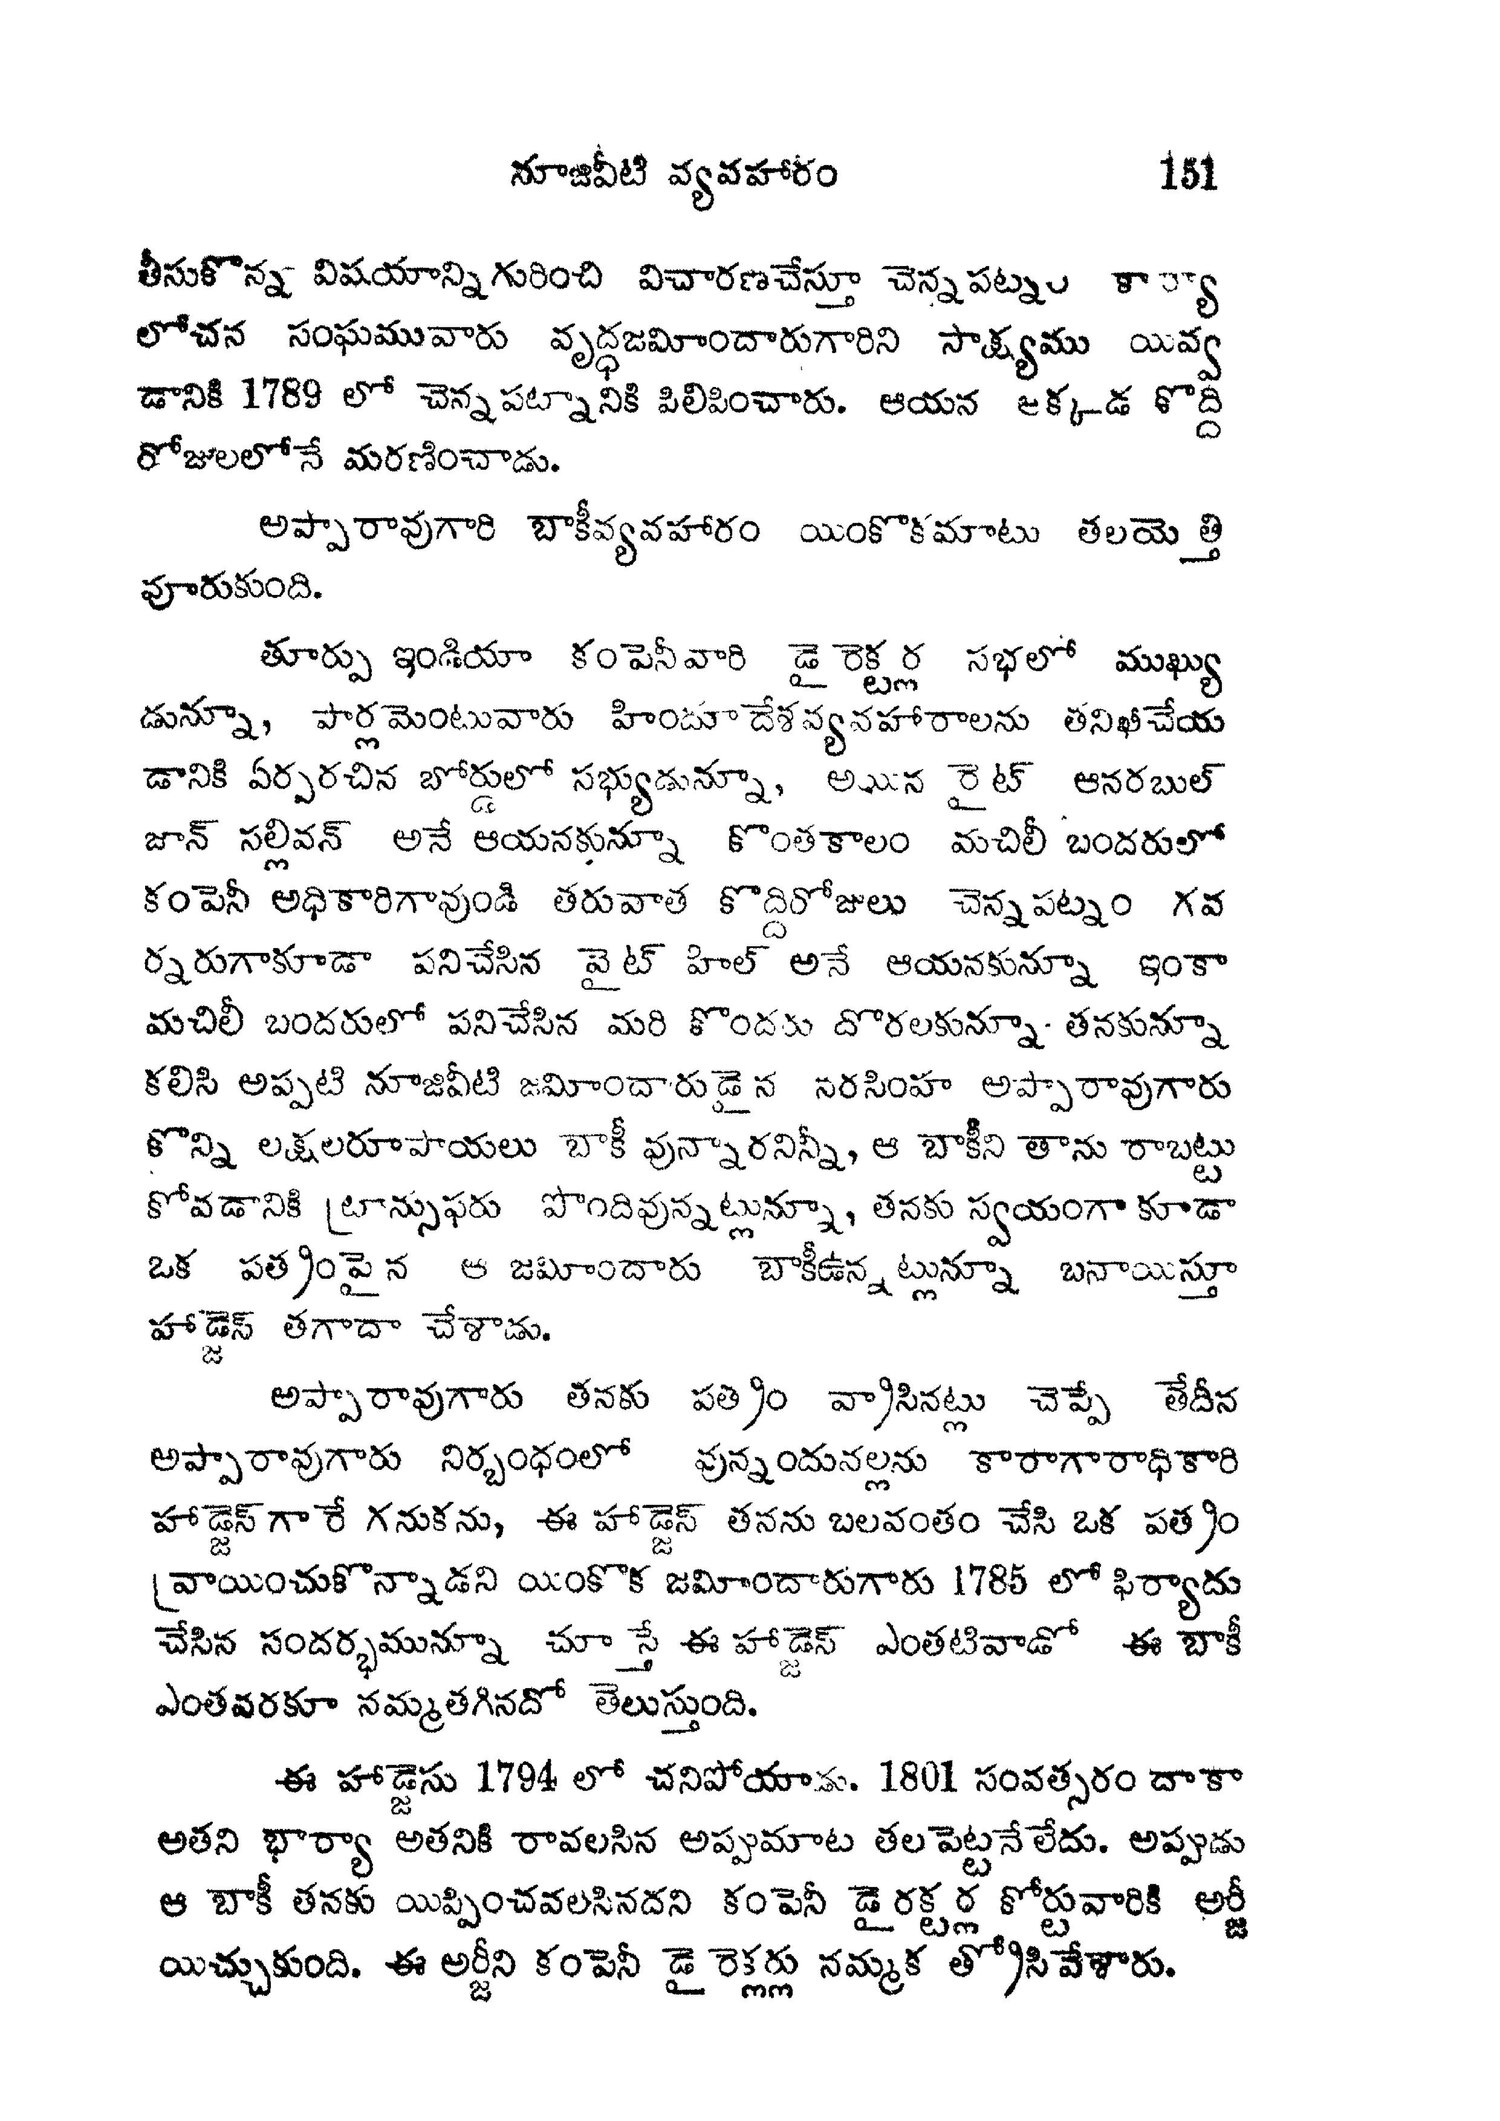తీసుకొన్న విషయాన్ని గురించి విచారణచేస్తూ చెన్నపట్నం కార్యాలోచన సంఘమువారు వృద్దజమీందారుగారిని సాక్ష్యము యివ్వడానికి 1789 లో చెన్నపట్నానికి పిలిపించారు. ఆయన అక్కడ కొద్ది రోజులలోనే మరణించారు.

అప్పారావుగారి బాకీవ్యవహారం యింకొకమాటు తలయెత్తి వూరుకుంది.

తూర్పు ఇండియా డైరెక్టర్ల సభలో ముఖ్యుడున్నూ, పార్లమెంటువారు హిందూదేశవ్యవహారాలను తనిఖీచేయడానికి ఏర్పరచిన బోర్డులో సభ్యుడున్నూ అయిన రైట్ ఆనరబుల్ జాన్ సల్లిషన్ అనే ఆయనకున్నూ కొంతకాలం మచిలీ బందరులో కంపెనీ అధికారిగావుండి తరువాత కొద్దిరోజులు చెన్నపట్నం గవర్నరు గా కూడా పనిచేసిన వైట్ హిల్ అనే ఆయనకున్నూ ఇంకా మచిలీ బందరులో పనిచేసిన మరి కొందరు దొరలకున్నూ తనకున్నూ కలిసి అప్పటి నూజివీటి జమీందారుడైన నరసింహ అప్పారావుగారు కొన్ని లక్షలరూపాయలు బాకీ వున్నారనిన్నీ, ఆ బాకీని తాను రాబట్తుకొవడానికి ట్రాన్సుఫరు పొందివున్నట్లున్నూ, తనకు స్వయంగా కూడా ఒక పత్రంపైన ఆ జమీందారు బాకీఉన్నట్లున్నూ బనాయిస్తూ హాడ్జెస్ తగాదా చేశాడు.

అప్పారావుగారు తనకు పత్రంని వ్రాసినట్లు చెప్పే తేదీన అప్పారావుగారు నిర్భంధంలో వున్నందువల్లను కారాగారాధికారి హాడ్జెస్ గారే గనుకను, ఈ హాడ్జెస్ తనను బలవంతం చేసి ఒక పత్రం వ్రాయించుకొన్నాడని యింకొక జమీందారుగారు 1785 లో ఫిర్యాదు చేసిన సందర్భమున్నూ చూస్తే ఈ హాడ్జెస్ ఎంతటివాడో ఈబాకీ ఎంతవరకూ నమ్మతగినదో త్రెలుస్తుంది.

ఈ హాడ్జెను 1794 లో చనిపోయాడు. 1801 సంవత్సరం దాకా అతని భార్యా అతనికి రావలసిన 
అప్పుమాట తలపెట్టనేలేదు. అప్పుడు ఆ బాకీ తనకు యిప్పించవలసినదని కంపెనీ డైరెక్టర్ల కోర్టువారికి అర్జీ యిచ్చుకుంది. ఈ అర్జీని కంపెనీ డైరెక్టర్లు నమ్మక త్రోసివేశారు.